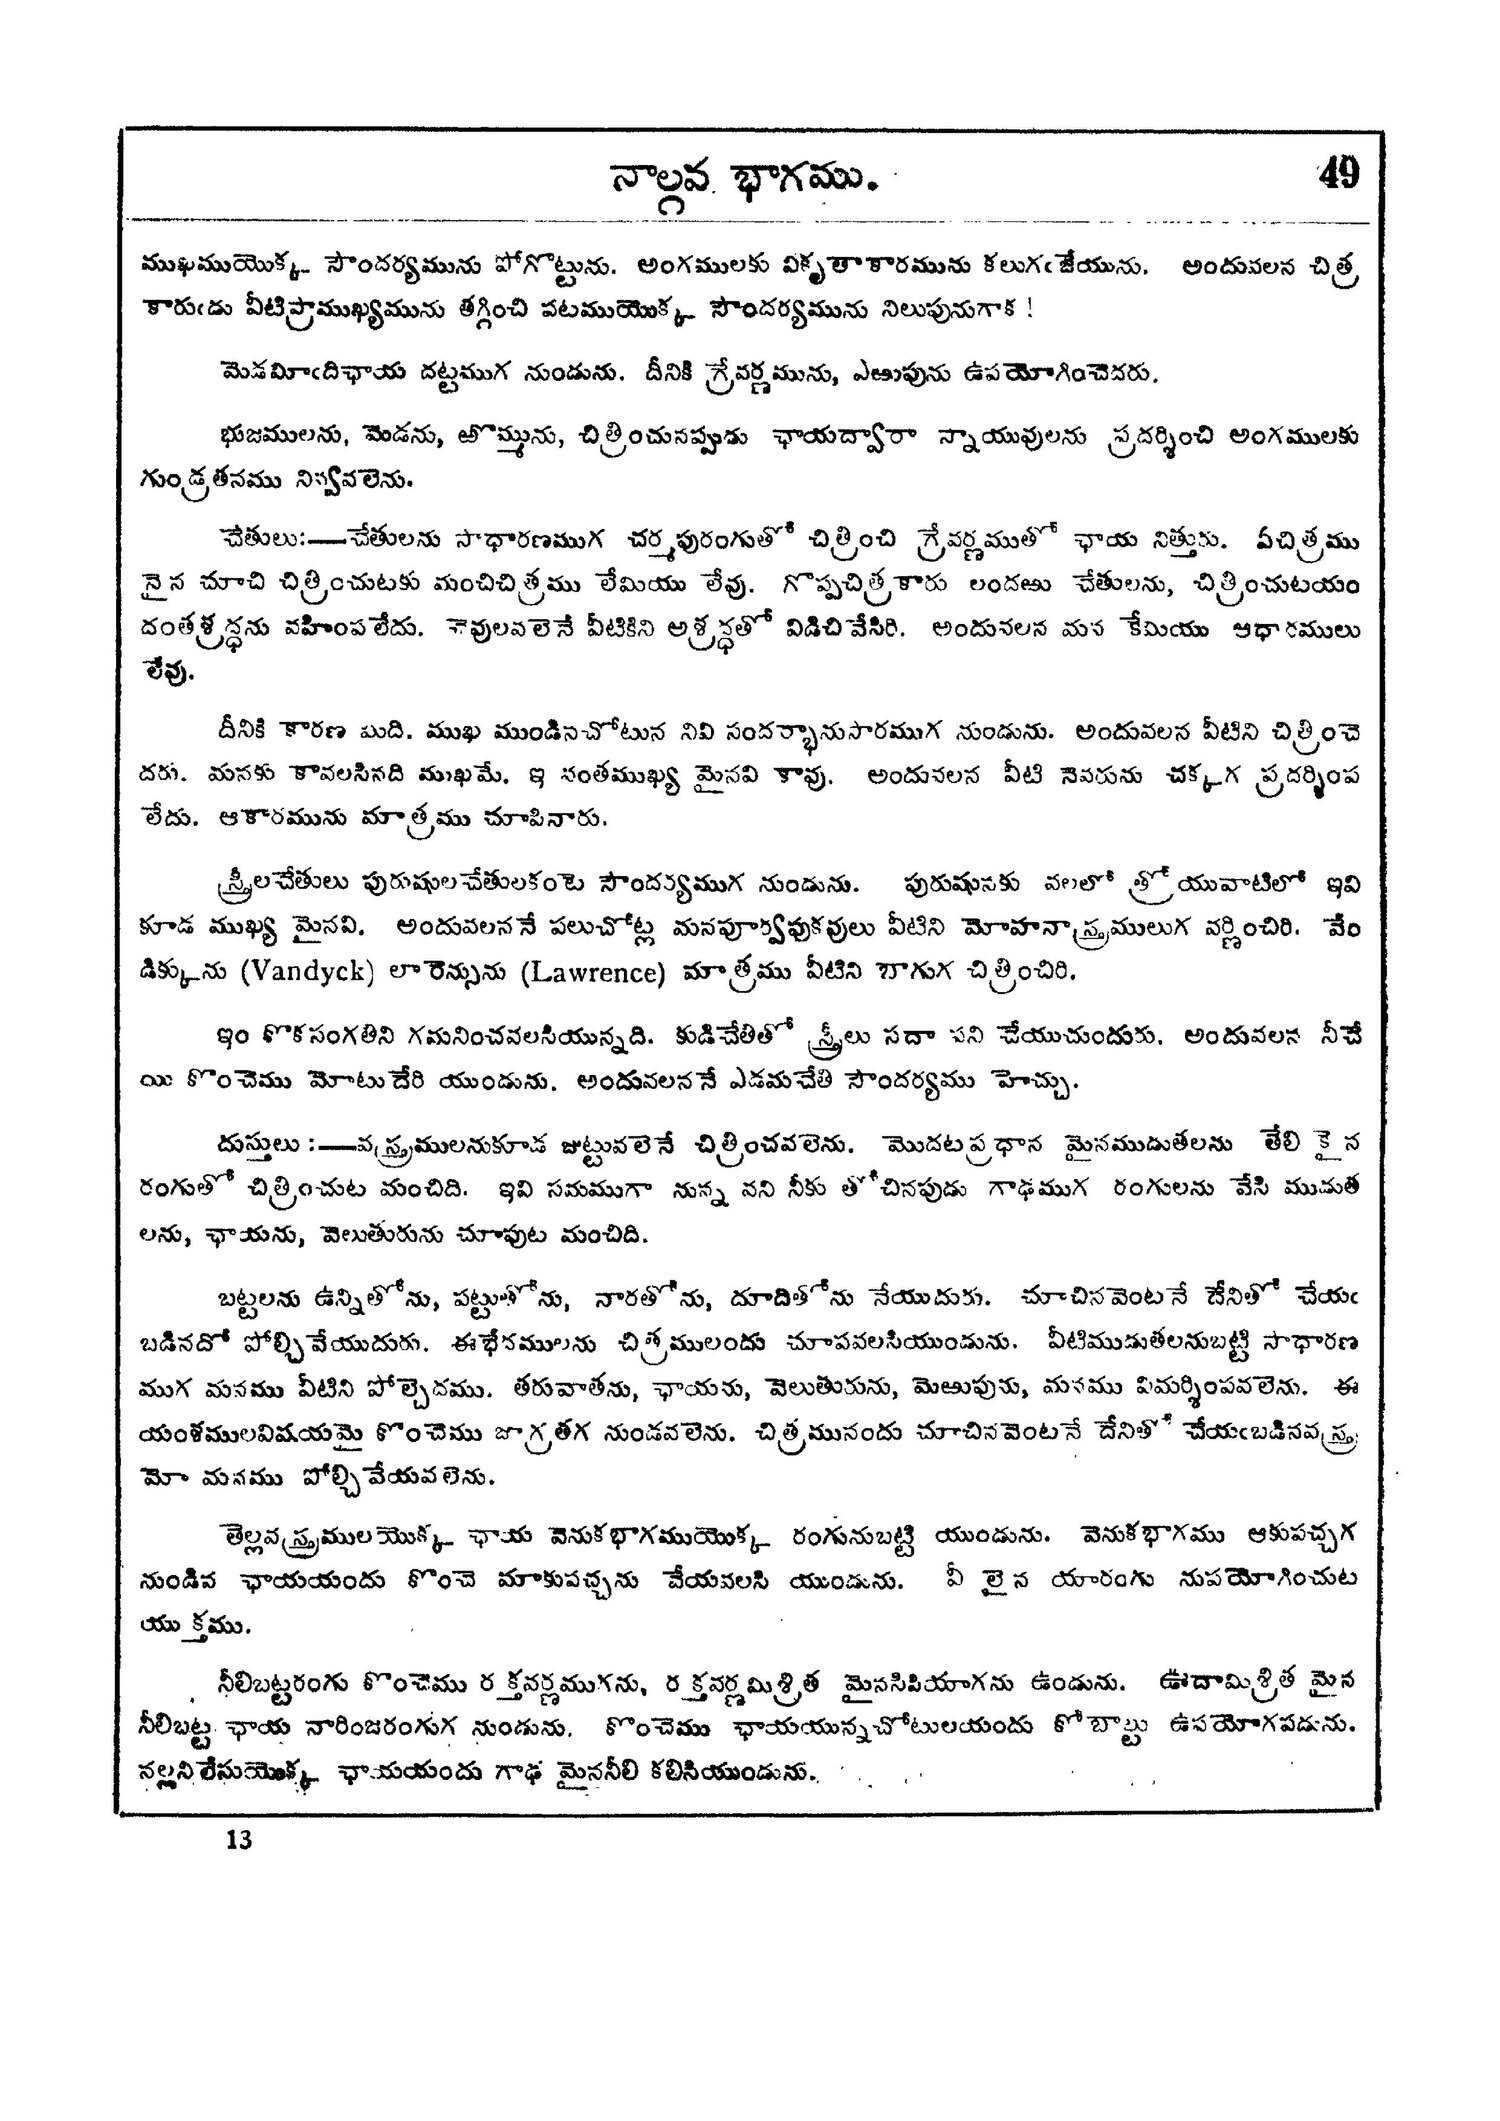ముఖముయొక్క సౌందర్యమును పోగొట్టును. అంగములకు వికృతాకారమును కలుగజేయును. అందువలన చిత్రకారుడు వీటిప్రాముఖ్యమును తగ్గించి పటముయొక్క సౌందర్యమును నులుపునుగాక!

మెడమీదిఛాయ దట్టముగ నుండును. దీనికి గ్రేవర్ణమును, ఎఱుపును ఉపయోగించెదరు.

భుజములను, మెడను, ఱొమ్మును, చిత్రించునప్పుడు ఛాయద్వారా స్నాయువులను ప్రదర్శించి అంగములకు గుండ్రతనము నివ్వవలెను.

చేతులు:- చేతులను సాధారణముగ చర్మపురంగుతో చిత్రించి గ్రేవర్ణముతో ఛాయ నిత్తురు. ఏచిత్రమునైన చూచి చిత్రించుటకు మంచిచిత్రము లేమియు లేవు. గొప్పచిత్రకారు లందఱు చేతులను, చిత్రించుటయం దంతశ్రద్ధను వహింపలేదు. చెవులవలెనే వీటికిని అశ్రద్ధతో విడిచివేసిరి. అందువలన మన కేమియు ఆధారములు లేవు.

దీనికి కారణ మిది. ముఖ ముండినచోటున నివి సందర్భానుసారముగ నుండును. అందువలన వీటిని చిత్రించెదరు. మనకు కావలసినది ముఖమే. ఇ వంతముఖ్య మైనవి కావు. అందువలన వీటి నెవరును చక్కగ ప్రదర్శింప లేదు. ఆకారమును మాత్రము చూపినారు.

స్త్రీలచేతులు పురుషులచేతులకంటె సౌందర్యముగ నుండును. పురుషునకు వలలో త్రోయువాటిలో ఇవి కూడ ముఖ్య మైనవి. అందువలననే పలుచోట్ల మనపూర్వపుకవులు వీటిని మోహనాస్త్రములుగ వర్ణించిరి. వేండిక్కును (Vandyck) లారెన్సును (Lawrence) మాత్రము వీటిని బాగుగ చిత్రించిరి.

ఇంకొకసంగతిని గమనించవలసియున్నది. కుడిచేతితో స్త్రీలు సదా పని చేయుచుందురు. అందువలన నీచేయి కొంచెము మోటుచేరి యుండును. అందువలననే ఎడమచేతి సౌందర్యము హెచ్చు.

దుస్తులు:- వస్త్రములనుకూడ జుట్టువలెనే చిత్రించవలెను. మొదటప్రధాన మైనముడుతలను తేలికైన రంగుతో చిత్రించుట మంచిది. ఇవి సమముగా నున్న వని నీకు తోచినపుడు గాడముగ రంగులను వేసి ముడుతలను, ఛాయను, వెలుతురును చూపుట మంచిది.

బట్టలను ఉన్నితోను, పట్టుతోను, నారతోను, దూదితోను నేయుదురు. చూచినవెంటనే దేనితో చేయబడినదో పోల్చివేయుదురు. ఈభేదములను చిత్రములందు చూపవలసియుండును. వీటిముడుతలనుబట్టి సాధారణముగ మనము వీటిని పోల్చెదము. తరువాతను, ఛాయను, వెలుతురును, మెఱుపును, మనము విమర్శింపవలెను. ఈ యంశముల విషయమై కొంచెము జాగ్రత్తగ నుండవలెను. చిత్రమునందు చూచినవెంటనే దేనితో చేయబడినవస్త్రమో మనము పోల్చి వేయవలెను.

తెల్లవస్త్రములయొక్క ఛాయ వెనుకభాగముయొక్క రంగునుబట్టి యుండును. వెనుకభాగము ఆకుపచ్చగ నుండిన ఛాయయందు కొంచె మాకుపచ్చను వేయవలసి యుండును. వీ లైన యారంగు నుపయోగించుట యుక్తము.

నీలిబట్టరంగు కొంచెము రక్తవర్ణముగను, రక్తవర్ణమిశ్రిత మైనసిపియాగను ఉండును. ఊదామిశ్రిత మైన నీలిబట్ట ఛాయ నారింజరంగుగ నుండును. కొంచెము ఛాయయున్నచోటులయందు కోబాల్టు ఉపయోగపడును. నల్లనిలేసుయొక్క ఛాయయందు గాడ మైననీలి కలిసియుండును.